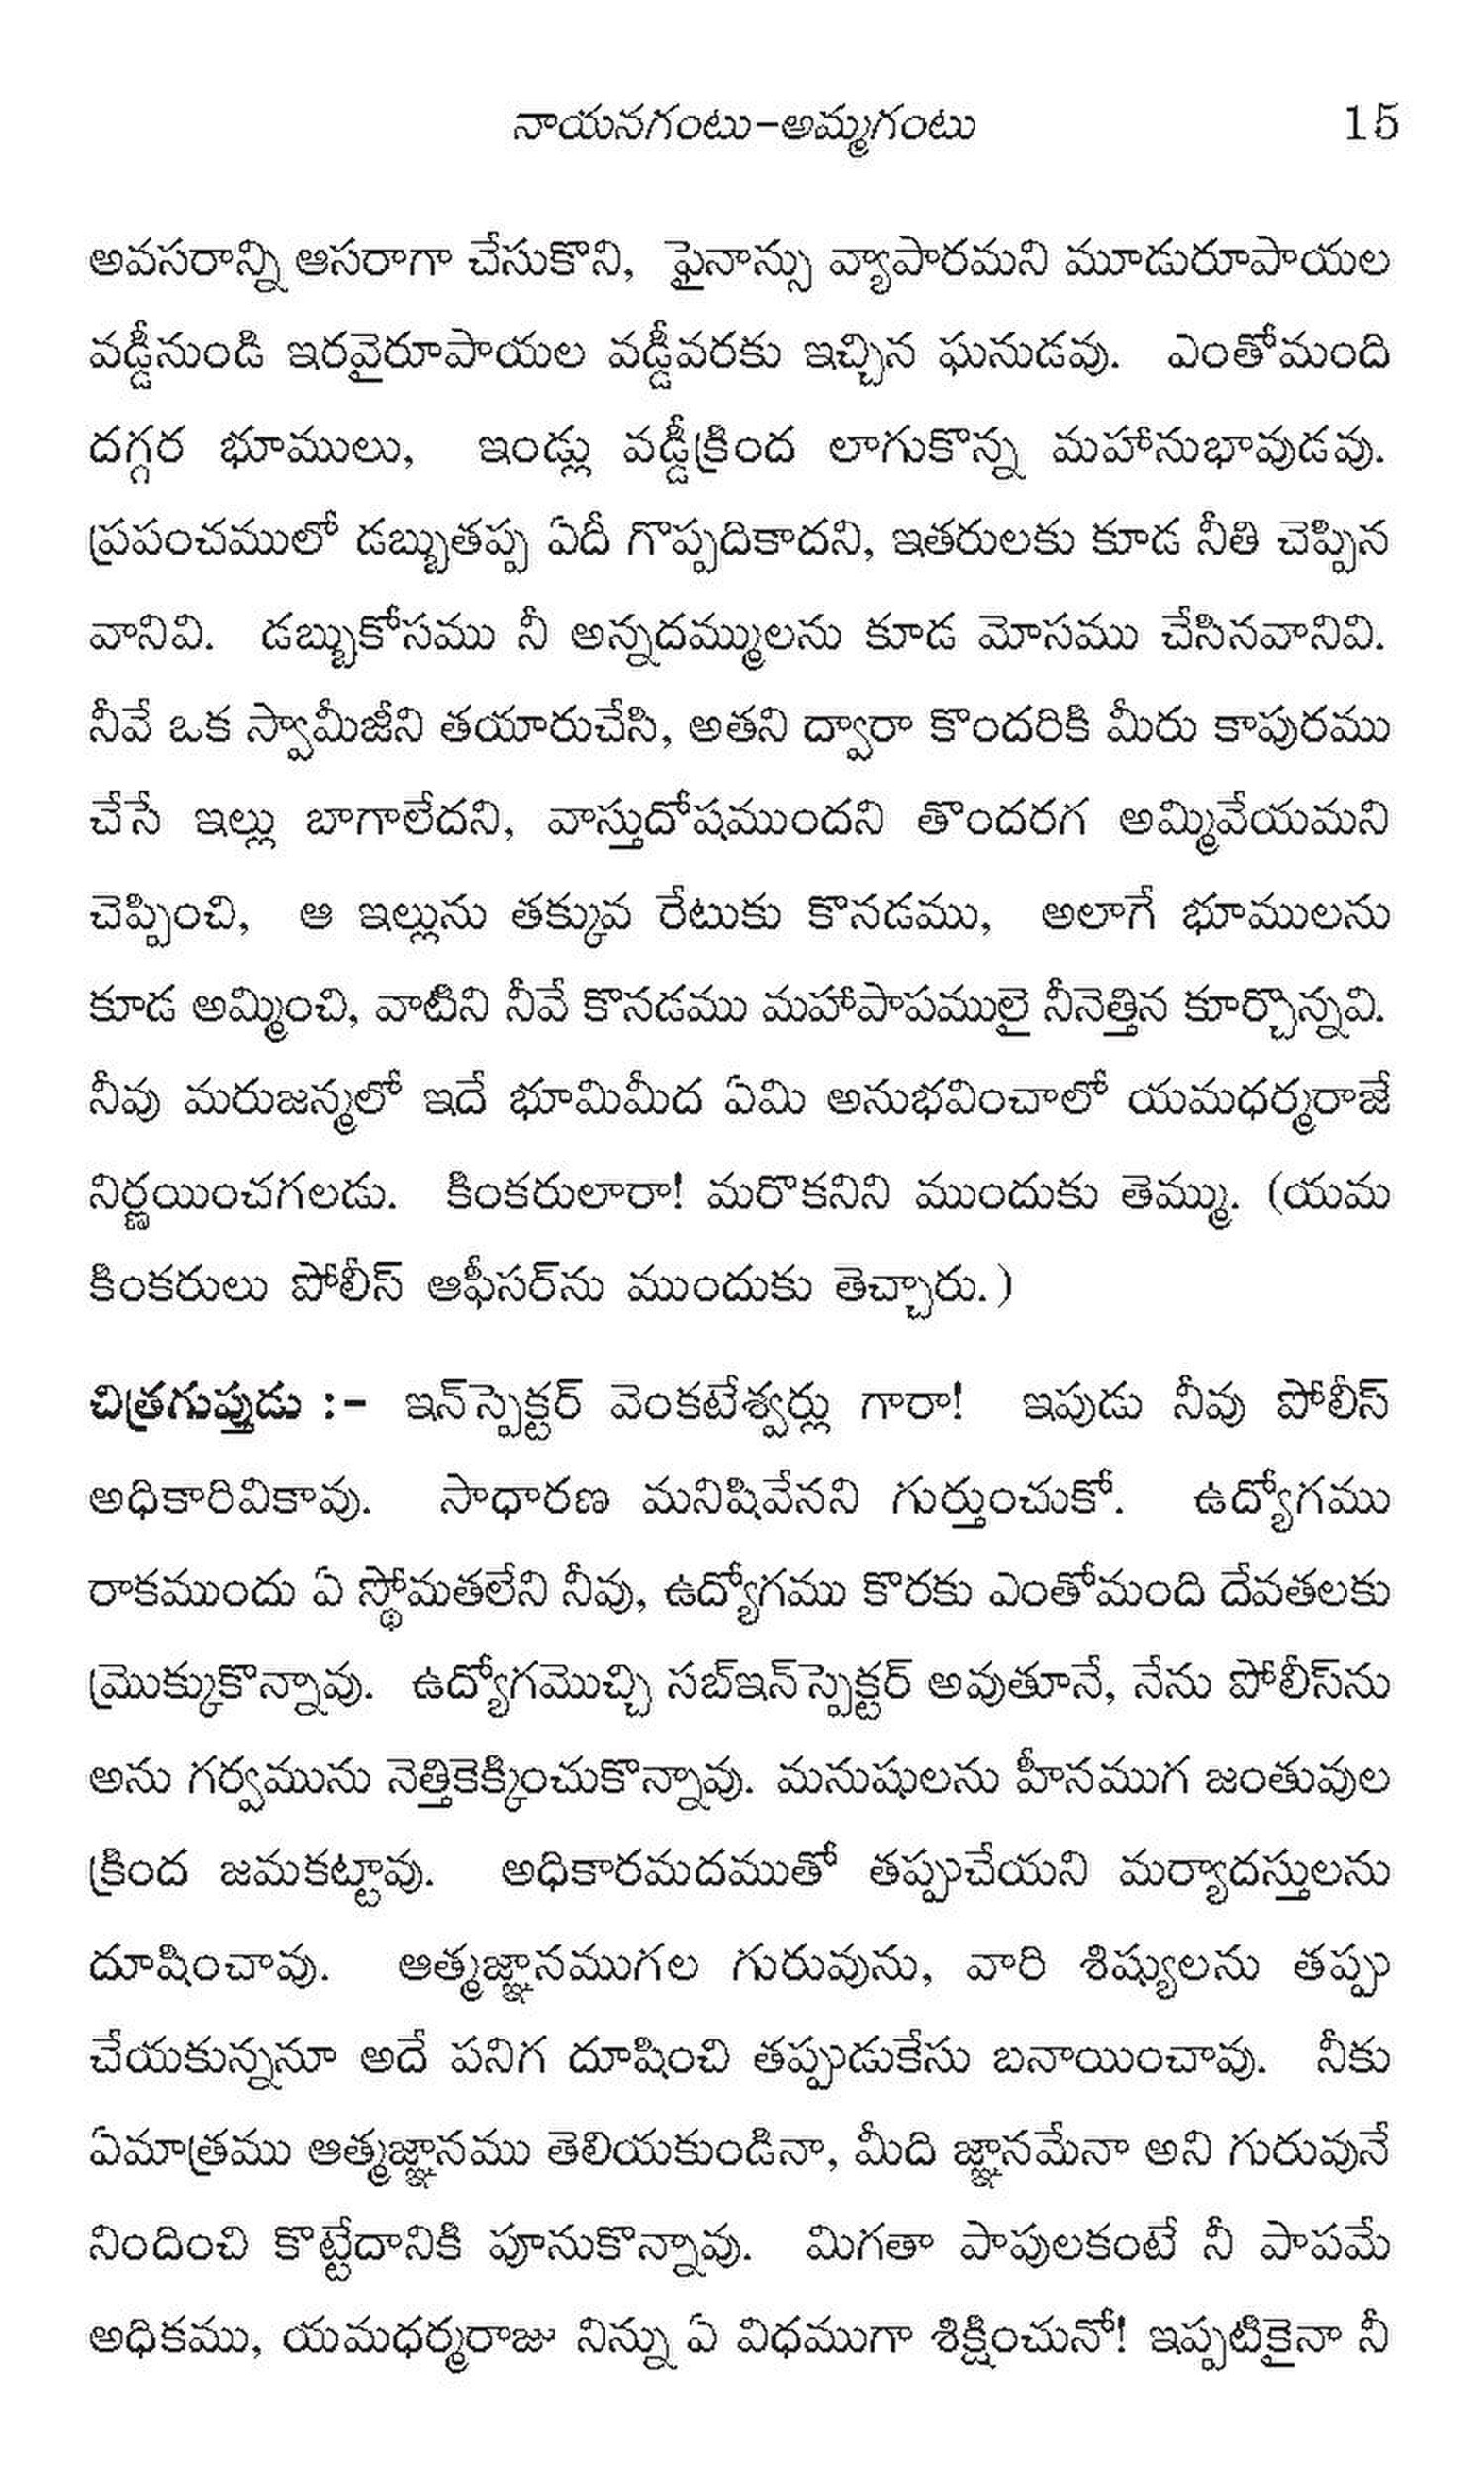అవసరాన్ని ఆసరాగా చేసుకొని, ఫైనాన్సు వ్యాపారమని మూడురూపాయల వడ్డీనుండి ఇరవైరూపాయల వడ్డీవరకు ఇచ్చిన ఘనుడవు. ఎంతోమంది దగ్గర భూములు, ఇండ్లు వడ్డీక్రింద లాగుకొన్న మహానుభావుడవు. ప్రపంచములో డబ్బుతప్ప ఏదీ గొప్పదికాదని, ఇతరులకు కూడ నీతి చెప్పిన వానివి. డబ్బుకోసము నీ అన్నదమ్ములను కూడ మోసము చేసినవానివి. నీవే ఒక స్వామీజీని తయారుచేసి, అతని ద్వారా కొందరికి మీరు కాపురము చేసే ఇల్లు బాగాలేదని, వాస్తుదోషముందని తొందరగ అమ్మివేయమని చెప్పించి, ఆ ఇల్లును తక్కువ రేటుకు కొనడము, అలాగే భూములను కూడ అమ్మించి, వాటిని నీవే కొనడము మహాపాపములై నీనెత్తిన కూర్చొన్నవి. నీవు మరుజన్మలో ఇదే భూమిమీద ఏమి అనుభవించాలో యమధర్మరాజే నిర్ణయించగలడు. కింకరులారా! మరొకనిని ముందుకు తెమ్ము. (యమ కింకరులు పోలీస్‌ ఆఫీసర్‌ను ముందుకు తెచ్చారు.)

చిత్రగుప్తుడు :-	ఇన్‌స్పెక్టర్‌ వెంకటేశ్వర్లు గారా! ఇపుడు నీవు పోలీస్‌ అధికారివికావు. సాధారణ మనిషివేనని గుర్తుంచుకో. ఉద్యోగము రాకముందు ఏ స్థోమతలేని నీవు, ఉద్యోగము కొరకు ఎంతోమంది దేవతలకు మ్రొక్కుకొన్నావు. ఉద్యోగమొచ్చి సబ్‌ఇన్‌స్పెక్టర్‌ అవుతూనే, నేను పోలీస్‌ను అను గర్వమును నెత్తికెక్కించుకొన్నావు. మనుషులను హీనముగ జంతువుల క్రింద జమకట్టావు. అధికారమదముతో తప్పుచేయని మర్యాదస్తులను దూషించావు. ఆత్మజ్ఞానముగల గురువును, వారి శిష్యులను తప్పు చేయకున్ననూ అదే పనిగ దూషించి తప్పుడుకేసు బనాయించావు. నీకు ఏమాత్రము ఆత్మజ్ఞానము తెలియకుండినా, మీది జ్ఞానమేనా అని గురువునే నిందించి కొట్టేదానికి పూనుకొన్నావు. మిగతా పాపులకంటే నీ పాపమే అధికము, యమధర్మరాజు నిన్ను ఏ విధముగా శిక్షించునో! ఇప్పటికైనా నీ